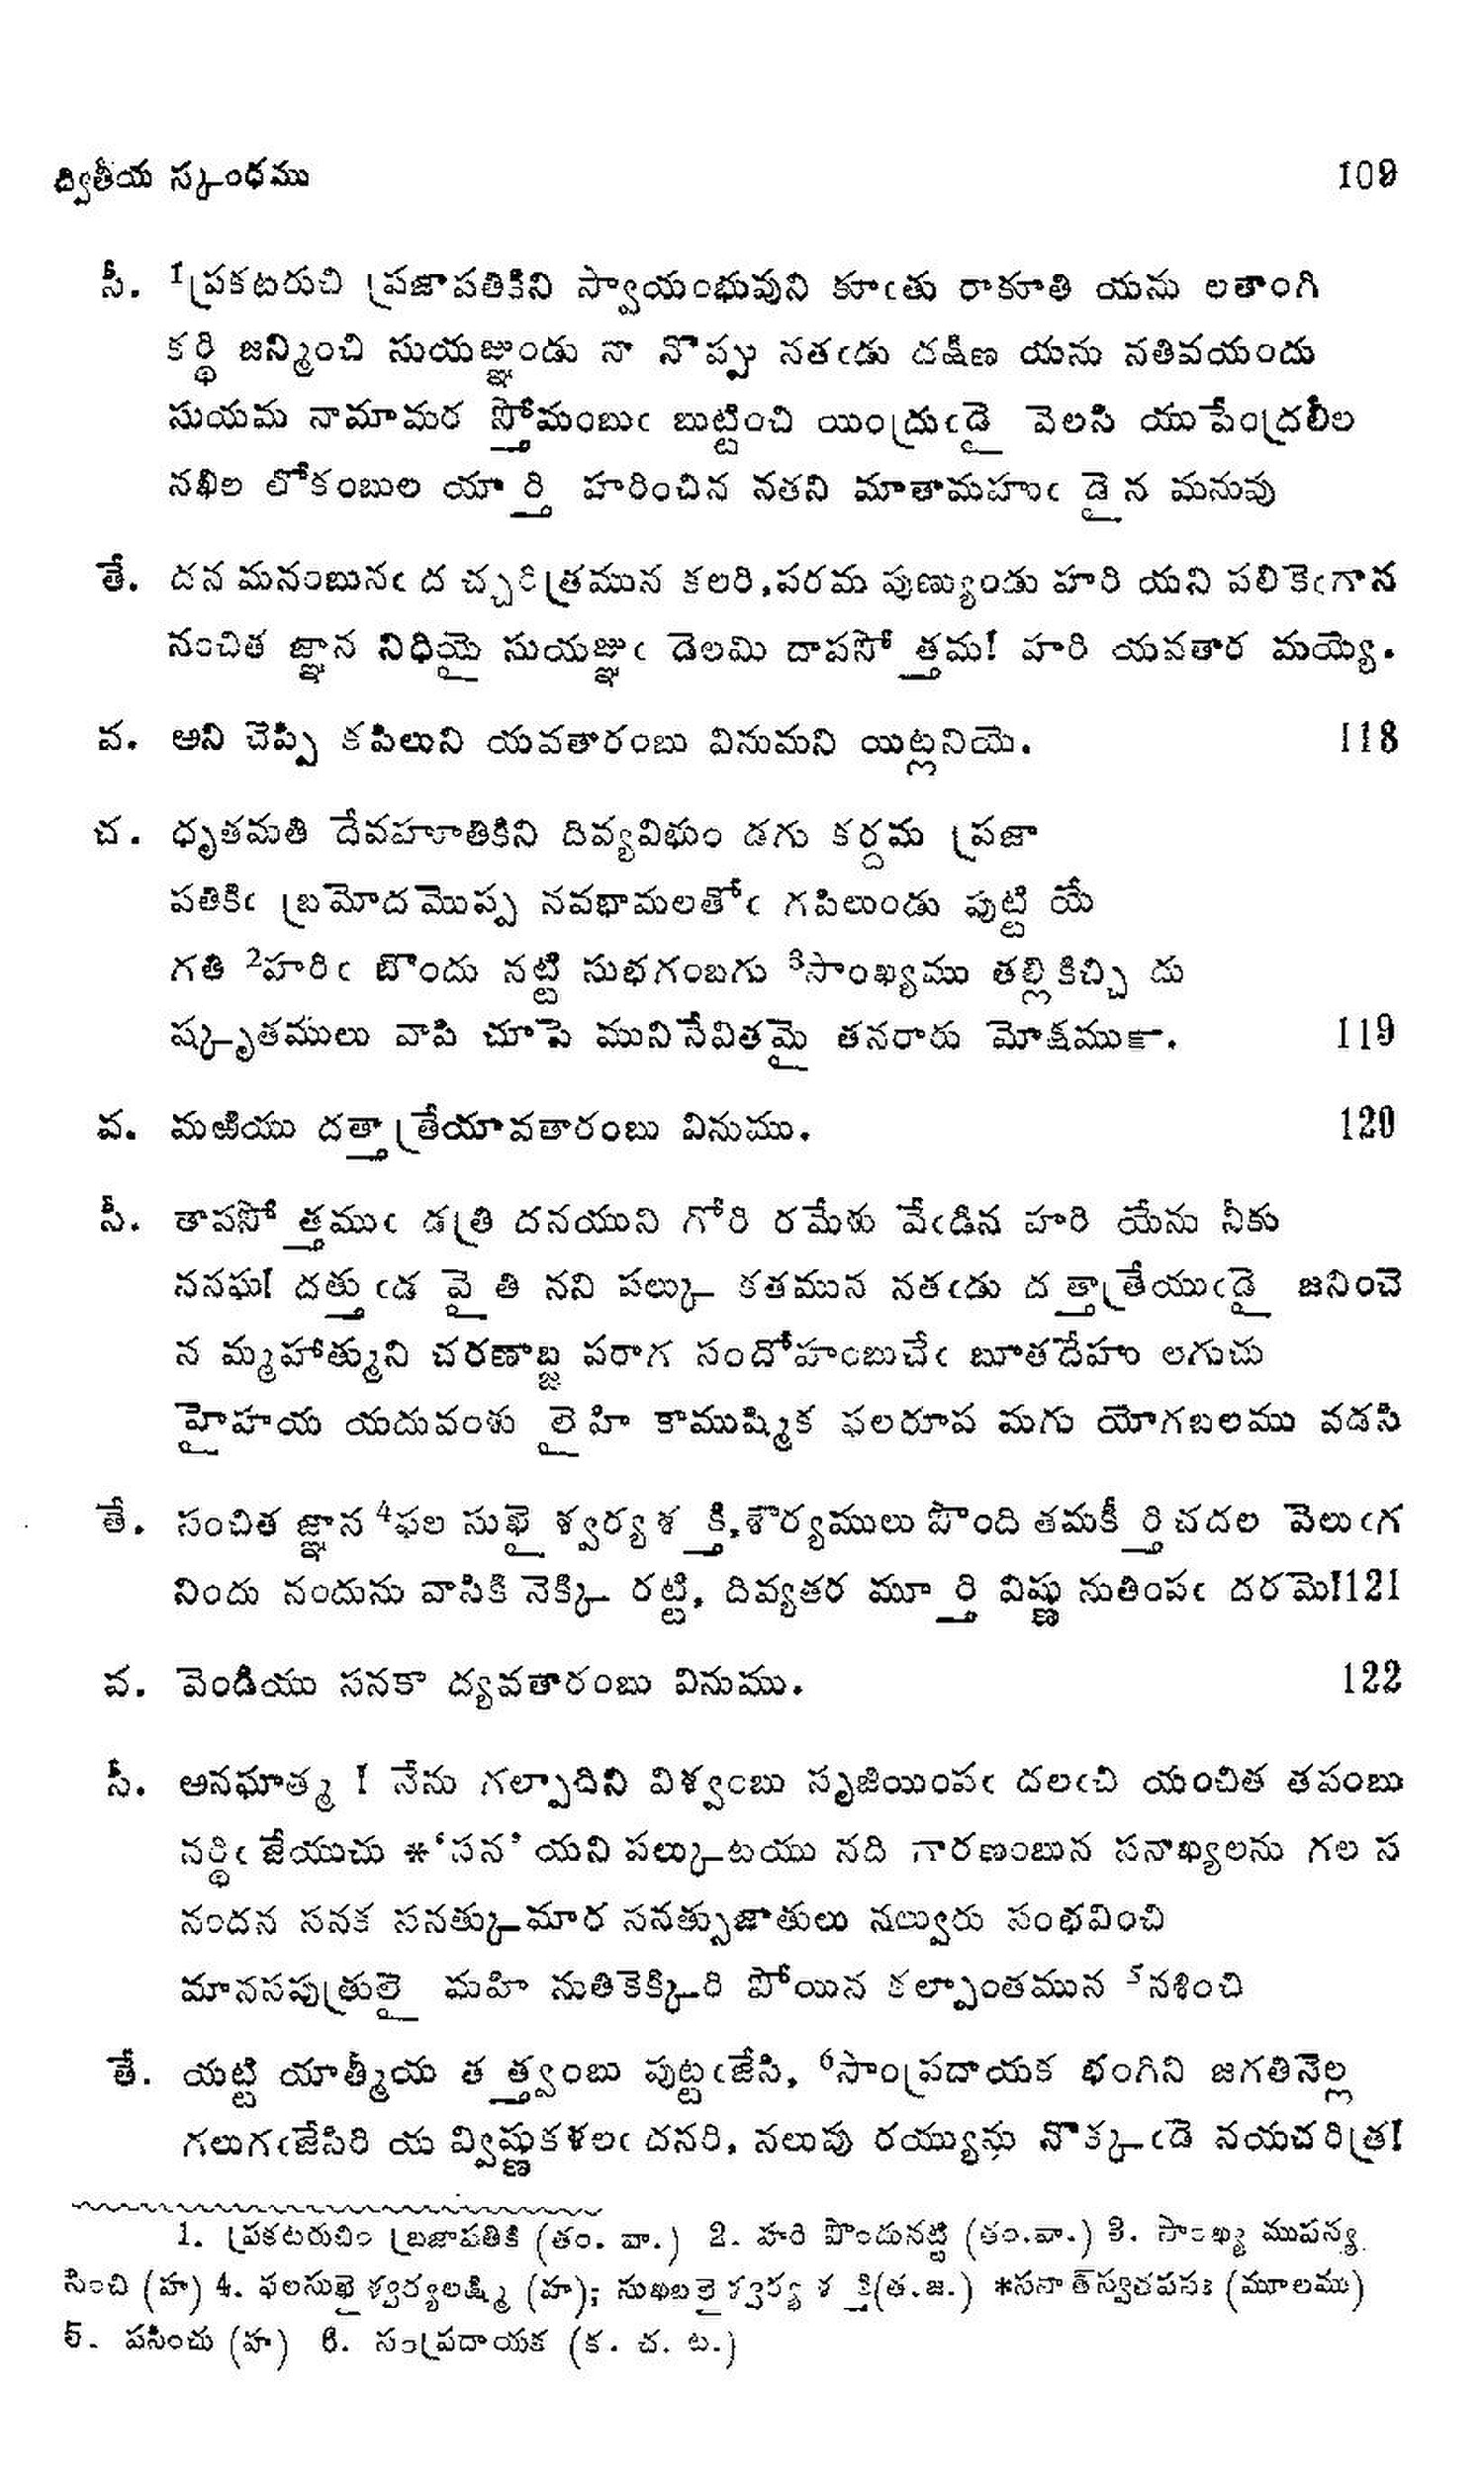109

సీ. ప్రకట రుచిప్రజాపతికిని స్వాయంభువుని కూఁతు రాకూతి యను లతాంగి

కర్థి జన్మించి సుయజ్ఞుండు నా నొప్పు నతఁడు దక్షిణ యను నతివయందు

సుయమ నామామర స్తోమంబుఁ బుట్టించి యింద్రుఁడై వెలసి యుపేంద్రలీల

నఖిల లోకంబుల యార్తి హరించిన నతని మాతామహుఁ డైన మనువు

తే. దన మనంబునఁ దచ్చరిత్రమున కలరి, పరమ పుణ్యుండు హరి యని పలికెఁగాన

నంచిత జ్ఞాన నిధియై సుయజ్ఞుఁ డెలమి దాపసోత్తమ! హరి యవతార మయ్యె. ( 117 )

వ. అని చెప్పి కపిలుని యవతారంబు వినుమని యిట్లనియె. ( 118 )

చ. ధృతమతి దేవహూతికిని దివ్యవిభుం డగు కర్ధమ ప్రజా

పతికిఁ బ్రమోదమొప్ప నవభామలతోఁ గపిలుండు పుట్టి యే

గతి హరిఁ బొందు నట్టి సుభగంబగు సాంఖ్యము తల్లికిచ్చి దు

ష్కృతములు వాపి చూపె మునిసేవితమై తనరారు మోక్షమున్. ( 119 )

వ. మఱియు దత్తాత్రేయావతారంబు వినుము. ( 120 )

సీ. తాపసోత్తముఁ డత్రి దనయుని గోరి రమేశు వేఁడిన హరి యేను నీకు

ననఘ! దత్తుఁడ నైతి నని పల్కు కతమున నతఁడు దత్తాత్రేయుఁడై జనించె

న మ్మహాత్ముని చరణాబ్జ పరాగ సందోహంబుచేఁ బూతదేహు లగుచు

హైహయ యదువంశు లైహి కాముష్మిక ఫలరూప మగు యోగబలము వడసి

తే. సంచిత జ్ఞానఫల సుఖైశ్వర్యశక్తి, శౌర్యములు పొంది తమ కీర్తిచదల వెలుఁగ

నిందు నందును వాసికి నెక్కి రట్టి, దివ్యతర మూర్తి విష్ణు నుతింపఁ దరమె! ( 121 )

వ. వెండియు సనకా ద్యవతారంబు వినుము. ( 122 )

సీ. అనఘాత్మ! నేను గల్పాదిని విశ్వంబు సృజియింపఁ దలఁచి యంచిత తపంబు

నర్థిఁజేయుచు *'సన' యని పలుకుటయు నది గారణంబున సనాఖ్యలను గల స 

నందన సనక సనత్కుమార సనత్సుజాతులు నల్వురు సంభవించి 

మానసపుత్రులై మహి నుతికెక్కిరి పోయిన కల్పాంతమున నశించి

తే. యట్టి యాత్మీయ తత్త్వంబు పుట్టఁజేసి, సాంప్రదాయిక భంగిని జగతినెల్ల

గలుగఁజేసిరి య వ్విష్ణుకళలఁ దనరి, నలువు రయ్యును నొక్కఁడె నయచరిత్ర! ( 123 )